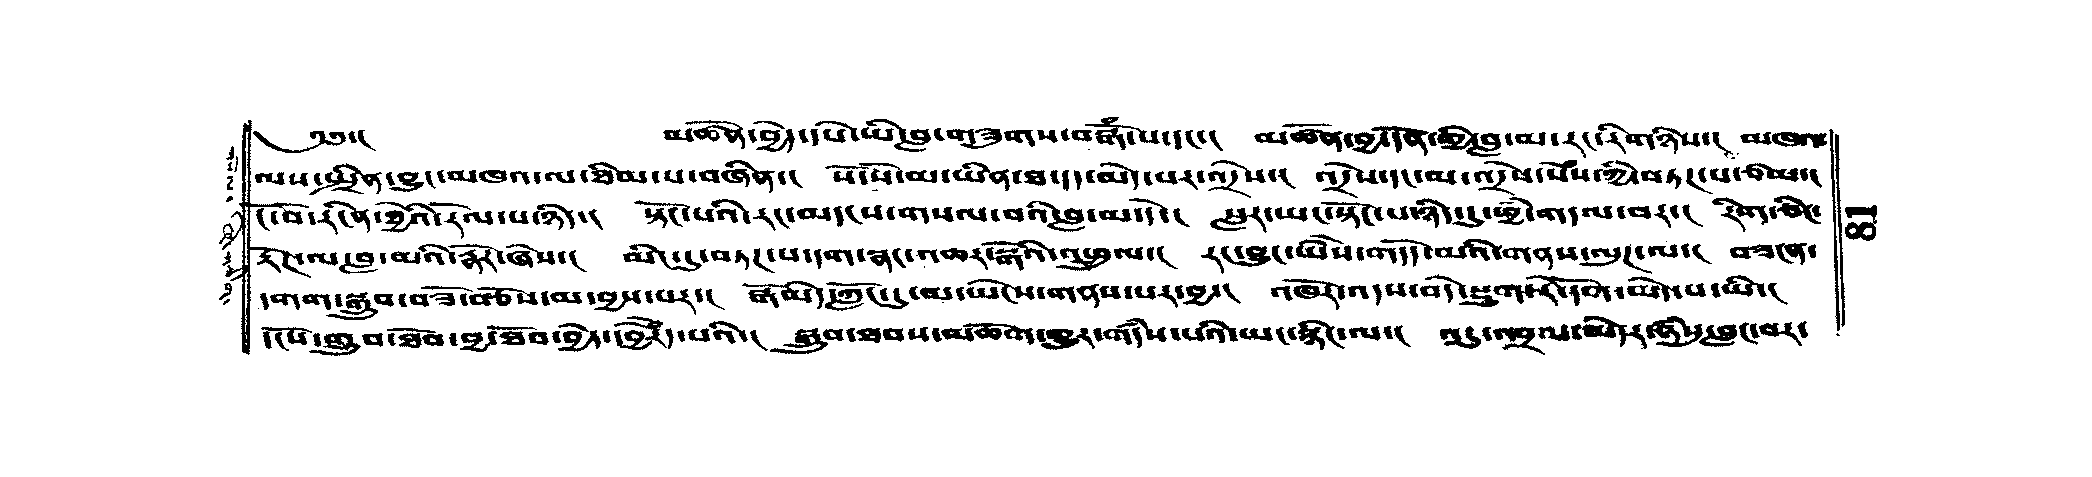།མཚོན་བྱེད་དཔེ་ཡི་བླ་གཟུགས་བསྒོམ་པ་དང་། །མཚོན་བྱ་དོན་གྱི་བླ་མ་རང་རིག་གཉིས། །མཁའ་
ལས་སྤྲིན་བྱུང་མཁའ་ལ་ཐིམ་པ་བཞིན། །སོ་སོ་མ་ཡིན་ཐ་དད་མེད་པར་འདྲེས། །འདྲེས་དང་མ་འདྲེས་སེམས་ཀྱི་བཏགས་པ་ཙམ། །
ངོ་བོ་རང་བཞིན་ཐུགས་རྗེའི་རོལ་པ་ཉིད། །སྟོང་པའི་རང་མདངས་གསལ་བའི་བླ་མ་དེ། །སླར་ཡང་སྟོང་པ་ཉིད་དུ་ཕྱམ་གདལ་བར། །རིག་ཅིང་
རྟོགས་ལ་བླ་མའི་རྣལ་འབྱོར་ཞེས། །མིང་དུ་བཏགས་པ་དག་སྣང་འཆར་སྒོའི་འཕྲུལ། །རང་བྱུང་ཡེ་ཤེས་གདོད་མའི་གནས་ལུགས་ལ། །བཟང་ངན་
དགག་སྒྲུབ་བཟོ་བཅོས་མ་བྱས་པར། །སྒོམ་མེད་ཀློང་དུ་མ་ཡེངས་གནས་པར་བྱ། །འཁོར་འདས་བདེ་སྡུག་རེ་དོགས་མེད་པ་ཡི། །
དངོས་གྲུབ་ཐོབ་བྱ་ཐོབ་བྱེད་དབྱེར་མེད་པའི། །སྒྲུབ་ཐབས་མཆོག་གྱུར་གདམས་པའི་ཡང་སྙིང་ལ། །འདུ་འབྲལ་མེད་པར་ཉམས་སུ་བླང་བར་